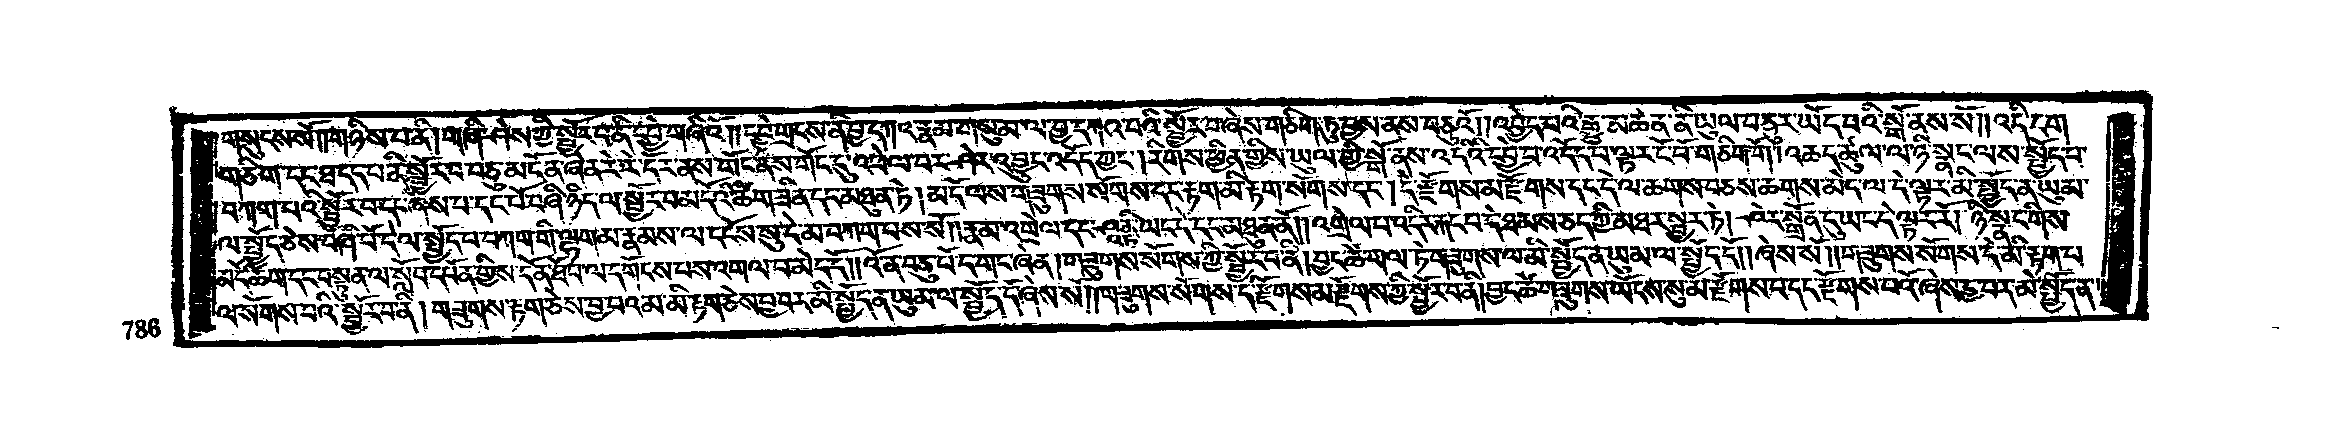གསུངས་སོ། །གཉིས་པ་ནི། གཞི་ཤེས་ཀྱི་སྦྱོར་བ་ནི་དབྱེ་གཞིའོ། །དབྱེ་གྲངས་ནི་བྱ་དཀའ་རྣམ་གསུམ་ལ་བྱ་དཀའ་བའི་སྦྱོར་བ་ཞེས་གཅིག་ཏུ་བྱས་ནས་བཅུའོ། །འབྱེད་པའི་རྒྱུ་མཚན་ནི་ཡུལ་བཅུར་ཡོད་པའི་སྒོ་ནས་སོ། །འདི་དག་
གཅིག་དང་ཐ་དད་པ་ནི་སྦྱོར་བ་བཅུ་མངོན་ཞེན་རེ་རེ་དོར་ནས་གོང་ནས་གོང་དུ་འཕེལ་བར་ཤེར་འབྱུང་འདོད་ཀྱང་། རིགས་ཕྱིན་གྱིས་ཡུལ་གྱི་སྒོ་ནས་འདིའི་དབྱེ་བ་འདོད་པ་ལྟར་ངོ་བོ་གཅིག་གོ །འཆད་ཚུལ་ལ་ཉི་སྣང་ལས་སྤྱོད་པ་
བཀག་པའི་སྦྱོར་བ་དང་ཞེས་པ་དང་པོ་བཞི་ཉིད་ལ་སྦྱོར་བ་མདོའི་ཚིག་ཟིན་དང་མཐུན་ཏེ། མདོ་ལས་གཟུགས་སོགས་དང་རྟག་མི་རྟག་སོགས་དང་། དེ་རྫོགས་མ་རྫོགས་དང་དེ་ལ་ཆགས་བཅས་ཆགས་མེད་ལ་དེ་ལྟར་མི་སྤྱོད་ན་ཡུམ་
ལ་སྤྱོད་ཅེས་བཞི་པོ་དེ་ལ་སྤྱོད་པ་བཀག་གི་ལྷག་མ་རྣམས་ལ་དངོས་སུ་དེ་མ་བཀག་པས་སོ། །རྣམ་འགྲེལ་དང་ཤཱནྟི་ཡང་དེ་དང་མཐུན་ནོ། །འགྲེལ་པ་འདིར་རྐང་པ་དེ་ཐམས་ཅད་ཀྱི་མཐར་སྦྱར་ཏེ། ཤེར་སྒྲོན་དུ་ཡང་དེ་ལྟར་རོ། ཉི་སྣང་གིས་
མདོ་ཚིག་དང་བསྟུན་ལ་སློབ་དཔོན་གྱིས་དོན་ཐོབ་ལ་དགོངས་པས་འགལ་བ་མེད་དོ། །འོ་ན་བཅུ་པོ་དེ་གང་ཞེ་ན། གཟུགས་སོགས་ཀྱི་སྦྱོར་བ་ནི། བྱང་ཚེ་གལ་ཏེ་གཟུགས་ལ་མི་སྤྱོད་ན་ཡུམ་ལ་སྤྱོད་དོ། །ཞེས་སོ། །གཟུགས་སོགས་དེ་མི་རྟག་པ་
ལ་སོགས་པའི་སྦྱོར་བ་ནི། གཟུགས་རྟག་ཅེས་བྱ་བའམ་མི་རྟག་ཅེས་བྱ་བར་མི་སྤྱོད་ན་ཡུམ་ལ་སྤྱོད་དོ་ཞེས་སོ། །གཟུགས་སོགས་དེ་རྫོགས་མ་རྫོགས་ཀྱི་སྦྱོར་བ་ནི། བྱང་ཚེ་གཟུགས་ཡོངས་སུ་མ་རྫོགས་པ་དང་རྫོགས་པའོ་ཞེས་བྱ་བར་མེ་སྤྱོད་ན་